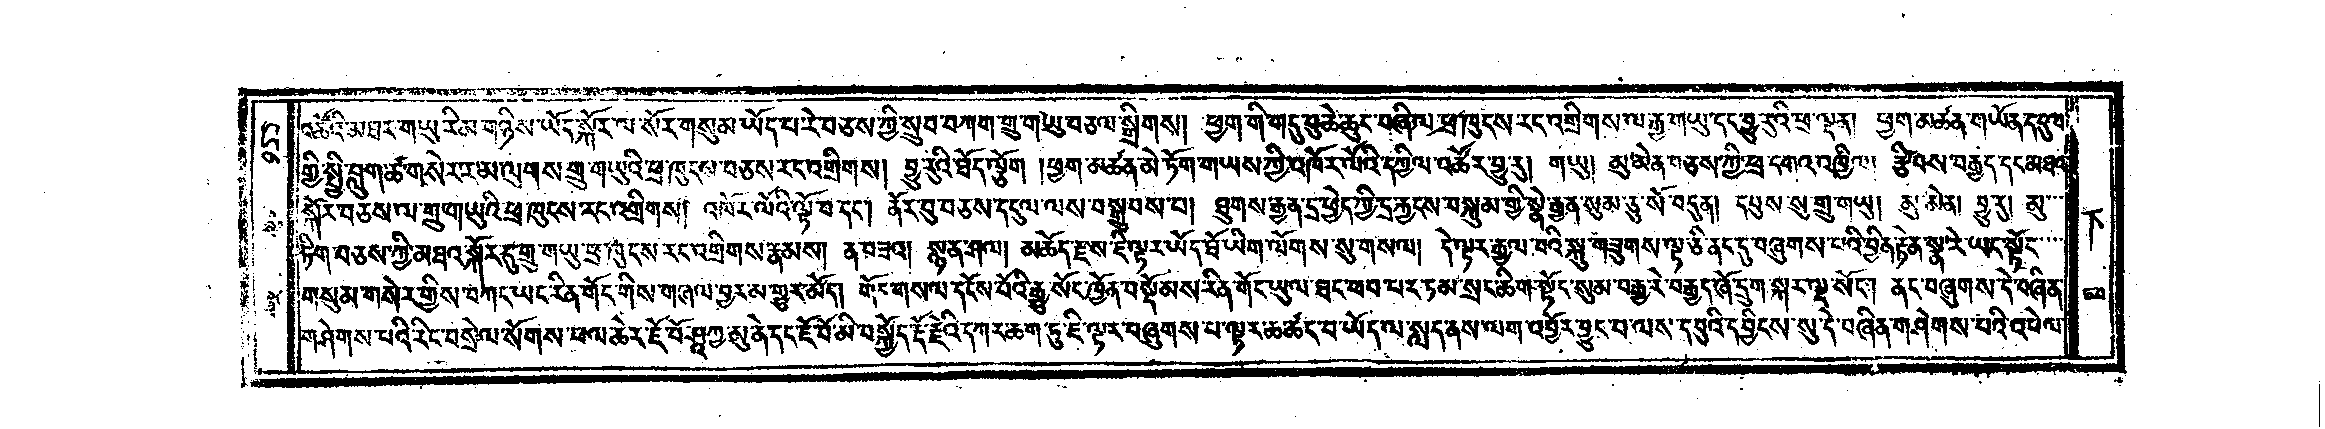འཚོའི་མཐར་གཡུ་རིམ་གཉིས་ཡོད་སྐོར་ལ་སོར་གསུམ་ཡོད་པ་རེ་བཅས་ཀྱི་སྲུབ་བཀག་གྲུ་གཡུ་བཅལ་སྒྲིགས། ཕྱག་གི་གདུ་བུ་ཆེ་ཆུང་བཞི་ལ་ཕྲ་ཁུངས་རང་འགྲིགས་ལ་རྒྱ་གཡུ་དང་བྱུ་རུའི་ཕྲ་ལྡན། ཕྱག་མཚན་གཡོན་དངུལ་
གྱི་སྤྱི་བླུག་ཚ་གསེར་ར་མ་ལུགས་གྲུ་གཡུའི་ཕྲ་ཁུངས་བཅས་རང་འགྲིགས། བྱུ་རུའི་ཐོད་ལྕོག །ཕྱག་མཚན་མེ་ཏོག་གཡས་ཀྱི་འཁོར་ལོའི་དཀྱིལ་འཚོར་བྱུ་རུ། གཡུ། མུ་མེན་བཅས་ཀྱི་ཕྲ་དགའ་འཁྱིལ། རྩིབས་བརྒྱད་དང་མཐའ་
སྐོར་བཅས་ལ་གྲུ་གཡུའི་ཕྲ་ཁུངས་རང་འགྲིགས། འཁོར་ལོའི་ལྟོ་བ་དང་། ནོར་བུ་བཅས་དངུལ་ལས་བསྒྲུབས་པ། ཐུགས་རྒྱན་དྲ་ཕྱེད་ཀྱི་དྲ་རྐྱངས་བསྐུམ་གྱི་སྣེ་རྒྱན་སུམ་ཅུ་སོ་བདུན། དབུས་སུ་གྲུ་གཡུ། མུ་མེན། བྱུ་རུ། མུ་
ཏིག་བཅས་ཀྱི་མཐའ་སྐོར་དུ་གྲུ་གཡུ་ཕྲ་ཁུངས་རང་འགྲིགས་རྣམས། ན་བཟའ། སྙན་ཤལ། མཆོད་རྫས་ཇི་ལྟར་ཡོད་ཐོ་ཡིག་ལོགས་སུ་གསལ། དེ་ལྟར་རྒྱལ་བའི་སྐུ་གཟུགས་ལྟ་ཅི་ནང་དུ་བཞུགས་པའི་བྱིན་རྟེན་སྣ་རེ་ཡང་སྟོང་
གསུམ་གསེར་གྱིས་བཀང་ཡང་རིན་གོང་གིས་གཞལ་བྱར་མ་གྱུར་མོད། གོང་གསལ་དངོས་པོའི་རྒྱུ་སོང་ཁྱོན་བསྡོམས་རིན་གོང་ཡུལ་ཐང་ཕབ་པར་ཏམ་སྲང་ཆིག་སྟོང་སུམ་བརྒྱ་རེ་བརྒྱད་ཞོ་དྲུག་སྐར་ལྔ་སོང་། ནང་བཞུགས་དེ་བཞིན་
གཤེགས་པའི་རིང་བསྲེལ་སོགས་ཕལ་ཆེར་ཇོ་བོ་ཤཱཀྱ་མུ་ནེ་དང་ཇོ་བོ་མི་བསྐྱོད་རྡོ་རྗེའི་དཀར་ཆག་ཏུ་ཇི་ལྟར་བཞུགས་པ་ལྟར་ཆ་ཚང་བ་ཡོད་ལ་སླད་ནས་ལག་འབྱོར་བྱུང་བ་ལས་དབུའི་དབྱིངས་སུ་དེ་བཞིན་གཤེགས་པའི་འཕེལ་